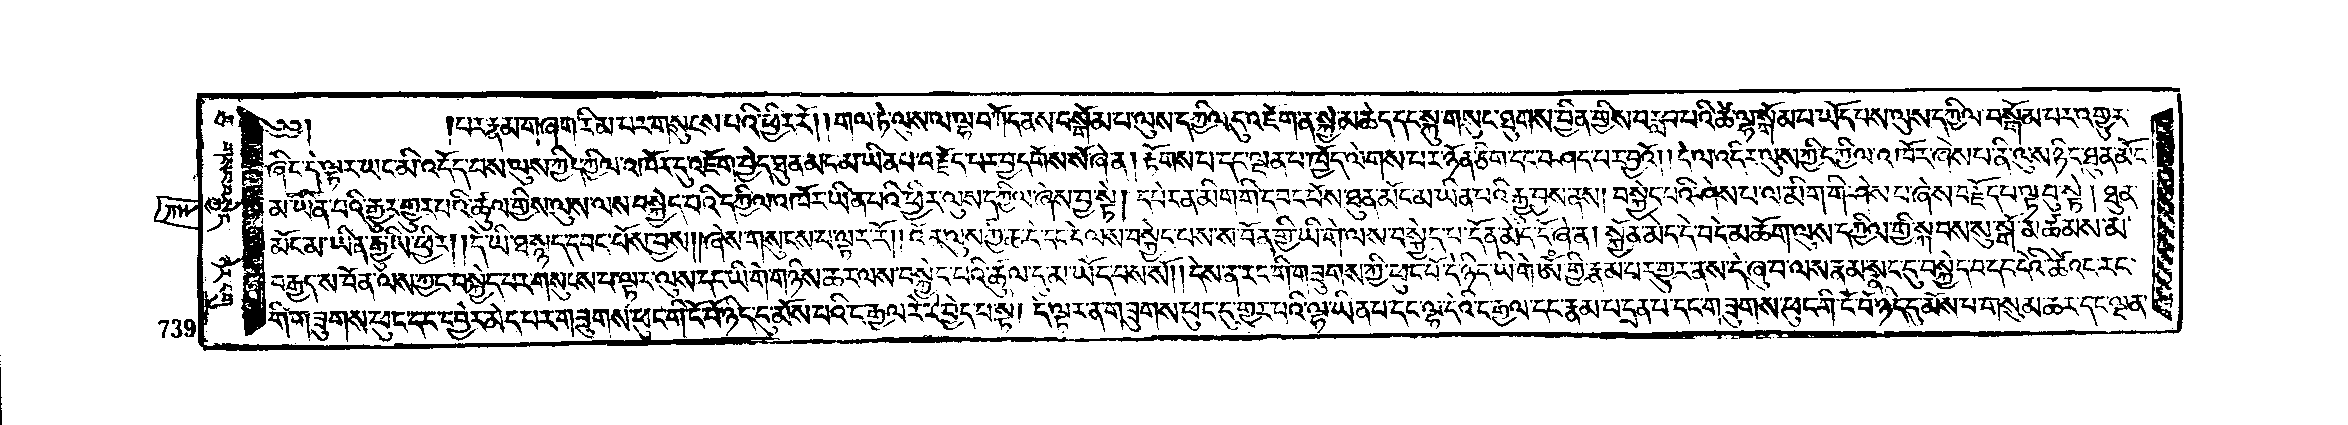༄༅། །པར་རྣམ་གཞག་རིམ་པར་གསུངས་པའི་ཕྱིར་རོ། །གལ་ཏེ་ལུས་ལ་ལྷ་བཀོད་ནས་བསྒོམ་པ་ལུས་དཀྱིལ་དུ་འཇོག་ན་སྐྱེ་མཆེད་དང་སྐུ་གསུང་ཐུགས་བྱིན་གྱིས་བརླབ་པའི་ཚེ་ལྷ་སྒོམ་པ་ཡོད་པས་ལུས་དཀྱིལ་བསྒོམ་པར་འགྱུར་
ཞིང་དེ་ལྟར་ཡང་མི་འདོད་པས་ལུས་ཀྱི་དཀྱིལ་འཁོར་དུ་འཇོག་བྱེད་ཐུན་མོང་མ་ཡིན་པ་བརྗོད་པར་བྱ་དགོས་སོ་ཞེ་ན། རྟོགས་པ་དང་ལྡན་པ་ཁྱོད་ལེགས་པར་ཉོན་ཅིག་དང་བཤད་པར་བྱའོ། །དེ་ལ་འདིར་ལུས་ཀྱི་དཀྱིལ་འཁོར་ཞེས་པ་ནི་ལུས་ཉིད་ཐུན་མོང་
མ་ཡིན་པའི་རྒྱུར་གྱུར་པའི་ཚུལ་གྱིས་ལུས་ལས་བསྐྱེད་པའི་དཀྱིལ་འཁོར་ཡིན་པའི་ཕྱིར་ལུས་དཀྱིལ་ཞེས་བྱ་སྟེ། དཔེར་ན་མིག་གི་དབང་པོས་ཐུན་མོང་མ་ཡིན་པའི་རྒྱུ་བྱས་ནས། བསྐྱེད་པའི་ཤེས་པ་ལ་མིག་གི་ཤེས་པ་ཞེས་བརྗོད་པ་ལྟ་བུ་སྟེ། ཐུན་
མོང་མ་ཡིན་རྒྱུ་ཡི་ཕྱིར། །དེ་ཡི་ཐ་སྙད་དབང་པོས་བྱས། །ཞེས་གསུངས་པ་ལྟར་རོ། །འོ་ན་ལུས་ཀྱི་ཆ་དེ་དང་དེ་ལས་བསྐྱེད་པས་ས་བོན་གྱི་ཡི་གེ་ལས་བསྐྱེད་པ་དོན་མེད་དོ་ཞེ་ན། སྐྱོན་མེད་དེ་བདེ་མཆོག་ལུས་དཀྱིལ་གྱི་སྐབས་སུ་སྒོ་མཚམས་མ་
བརྒྱད་ས་བོན་ལས་ཀྱང་བསྐྱེད་པར་གསུངས་པ་ལྟར་ལུས་དང་ཡི་གེ་གཉིས་ཆར་ལས་བསྐྱེད་པའི་ཚུལ་དུ་མ་ཡོད་པས་སོ། །དེས་ན་རང་གི་གཟུགས་ཀྱི་ཕུང་པོ་དེ་ཉིད་ཡི་གེ་ཨོཾ་གྱི་རྣམ་པར་གྱུར་ནས་དེ་ཞུ་བ་ལས་རྣམ་སྣང་དུ་བསྐྱེད་བ་དང་དེའི་ཚེའང་རང་
གི་གཟུགས་ཕུང་དང་དབྱེར་མེད་པར་གཟུགས་ཕུང་གི་ངོ་བོ་ཉིད་དུ་མོས་པའི་ང་རྒྱལ་རེ་རེ་བྱེད་པ་སྟེ། དེ་ལྟར་ན་གཟུགས་ཕུང་དུ་གྱུར་པའི་ལྷ་ཡིན་པ་དང་ལྷ་དེའི་ང་རྒྱལ་དང་རྣམ་པ་དྲན་པ་དང་གཟུགས་ཕུང་གི་ངོ་བོ་ཉིད་དུ་མོས་པ་གསུམ་ཆར་དང་ལྡན་